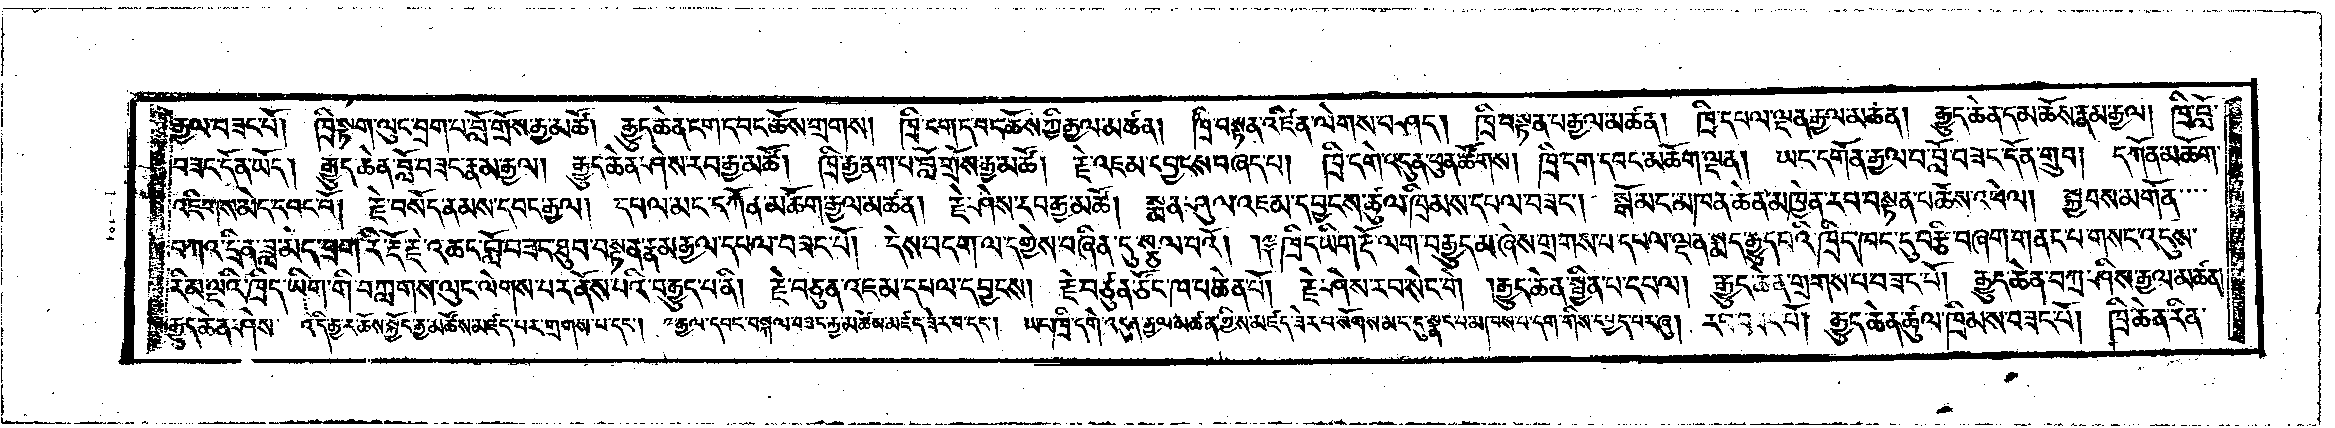རྒྱལ་བཟང་པོ། ཁྲི་སྟག་ལུང་བྲག་པ་བློ་གྲོས་རྒྱ་མཚོ། རྒྱུད་ཆེན་དག་དབང་ཆོས་གྲགས། ཁྲི་ངག་དབང་ཆོས་ཀྱི་རྒྱལ་མཚན། ཁྲི་བསྟན་འཛིན་ལེགས་བཤད། ཁྲི་བསྟན་པ་རྒྱལ་མཚན། ཁྲི་དཔལ་ལྡན་རྒྱལ་མཚན། རྒྱུད་ཆེན་དམ་ཆོས་རྣམ་རྒྱལ། ཁྲི་བློ་
བཟང་དོན་ཡོད། རྒྱུད་ཆེན་བློ་བཟང་རྣམ་རྒྱལ། རྒྱུད་ཆེན་ཤེས་རབ་རྒྱ་མཚོ། ཁྲི་རྒྱ་ནག་པ་བློ་གྲོས་རྒྱ་མཚོ། རྗེ་འཇམ་དབྱངས་བཞད་པ། ཁྲི་དགེ་འདུན་ཕུན་ཚོགས། ཁྲི་ངག་དབང་མཆོག་ལྡན། ཡང་དགོན་རྒྱལ་བ་བློ་བཟང་དོན་གྲུབ། དཀོན་མཆོག་
འཇིགས་མེད་དབང་བོ། རྗེ་བསོད་ནམས་དབང་རྒྱལ། དཔལ་མང་དཀོན་མཆོག་རྒྱལ་མཚན། རྗེ་ཤེས་རབ་རྒྱ་མཚོ། སྨན་ཤུལ་འཇམ་དབྱངས་ཚུལ་ཁྲིམས་དཔལ་བཟང་། སྒོ་མང་མཁན་ཆེན་མཁྱེན་རབ་བསྟན་པ་ཆོས་འཕེལ། སྐྱབས་མགོན་
བཀའ་དྲིན་ཟླ་མེད་བྲག་རི་རྡོ་རྗེ་འཆང་བློ་བཟང་ཐུབ་བསྟན་རྣམ་རྒྱལ་དཔལ་བཟང་པོ། དེས་བདག་ལ་དགྱེས་བཞིན་དུ་སྩལ་བའོ། ། འ་ཁྲིད་ཡིག་རྡོ་ལག་བརྒྱུད་མ་ཞེས་གྲགས་པ་དཔལ་ལྡན་སྨན་རྒྱུད་བའི་ཁྲིད་ཁང་དུ་བརྩི་བཞག་གནང་པ་གསང་འདུས་
རིམ་ལྔའི་ཁྲིད་འདི་རྒྱ་ར་ཆོས་སྐྱོང་རྒྱ་མཚོས་མཛད་པར་གྲགས་པ་དང་། ༧རྒྱལ་དབང་བསྐལ་བཟང་རྒྱ་མཚོས་མཛད་ཟེར་བ་དང་། ཡང་ཁྲི་དགེ་འདུན་རྒྱལ་མཚན་གྱིས་མཛད་ཟེར་བ་སོགས་མང་དུ་སྣང་བ་མཁས་པ་དག་གིས་དཔྱད་པར་ཞུ།
ཡིག་གི་བཀླགས་ལུང་ལེགས་པར་ནོས་པའི་བརྒྱུད་པ་ནི། རྗེ་བཙུན་འཇམ་དཔལ་དབྱངས། རྗེ་བཙུན་ཙོང་ཁ་པ་ཆེན་པོ། རྗེ་ཤེས་རབ་སེང་གེ། །རྒྱུད་ཆེན་སྦྱིན་པ་དཔལ། རྒྱུད་ཆེན་གྲགས་པ་བཟང་པོ། རྒྱུད་ཆེན་བཀྲ་ཤིས་རྒྱལ་མཚན།
་རྒྱུད་ཆེན་ཤེས་རབ་བཟང་པོ། རྒྱུད་ཆེན་ཚུལ་ཁྲིམས་བཟང་པོ། ཁྲི་ཆེན་རིན་